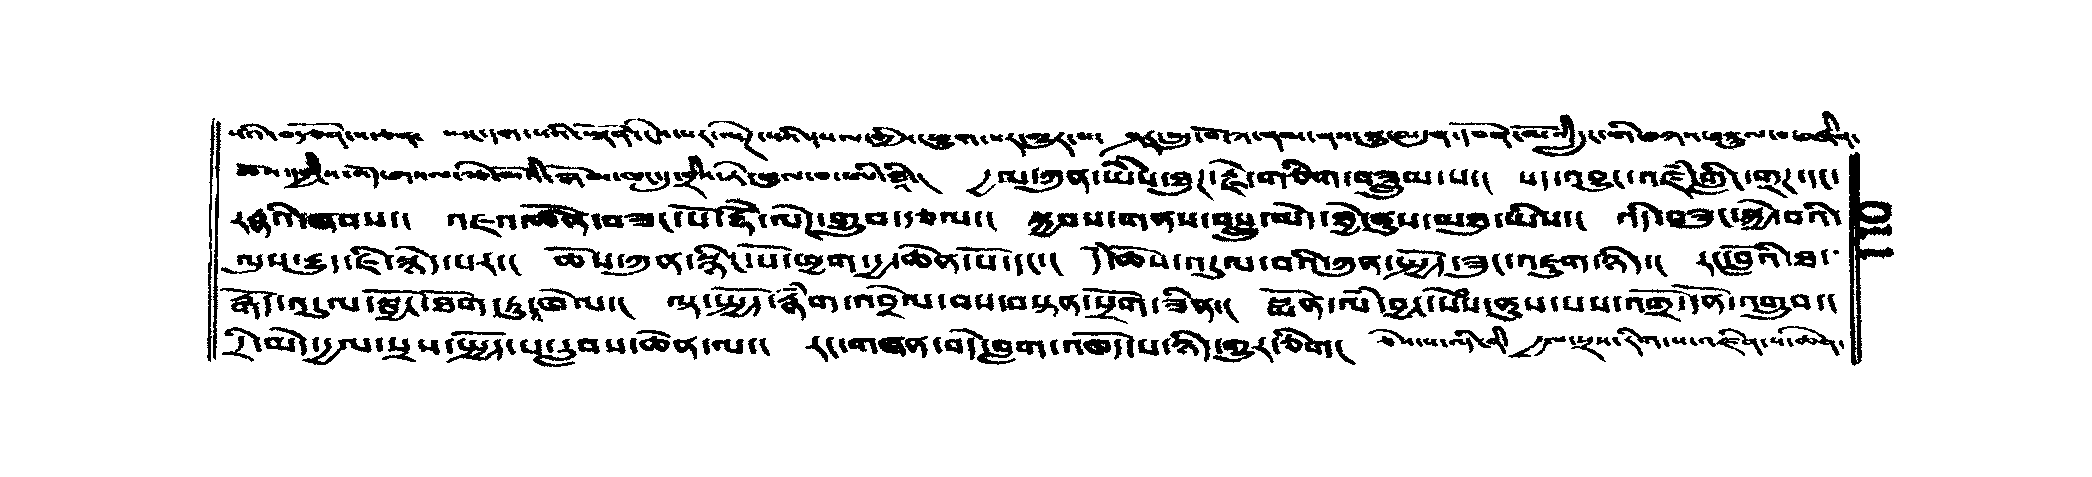པའི་བརྩོན་པ་ཅན། ཡང་དག་པའི་ཡོན་ཏན་ངེས་པར་ལེགས་པའི་དཔལ་གྱིས་ཕྱུག་པར་གྱུར་པ།ཤར་སྤུ་བོ་ཀ་ནམ་ནས་སྐུ་མདུན་དབོན་མོའི་དྲུང་གི་བཀའ་བསྐུལ་པ་བཞིན་
ཆོས་དབྱིངས་འོད་གསལ་རྩེ་མོའི་སྒོམ་ཁང་དུ་བྲིས་ཏེ་ཕུལ་བ་།། རྒྱལ་ཀུན་ཡེ་ཤེས་ཐུགས་རྗེ་གཅིག་བཟླུམས་པ། །པད་འབྱུང་འཛམ་གླིང་གྲགས་དང་
རཏྣའི་ཞབས། །འཇའ་ཚོན་བཟང་པོ་རྡོ་རྗེ་ལེགས་གྲུབ་རྩལ། སྐྱབས་གནས་བསླུ་མེད་ཐུགས་རྗེ་ནུས་མཐུ་ཡིས། །འདི་བཟུང་སྐྱེ་བའི་
ལུག་རྒྱུད་ཇི་སྙེད་པར། །ཆོས་ཀུན་སྙིང་པོ་ཕྱག་རྒྱ་ཆེན་པོ་དང་། །དམ་ཆོས་འདུལ་བའི་ཀུན་སྤྱོད་ཟུང་འཇུག་ཉིད། །རང་བློའི་ཐ་
རྒོད་འདུལ་སྦྱོང་ཐོག་ཏུ་ཁེལ། །ལྟ་སྤྱོད་རྣམ་དག་འབྲེལ་བས་བསྟན་སྲོག་ཟིན། །སྨོན་ལམ་བྱང་སེམས་ནུས་པས་འགྲོ་དོན་འགྲུབ། །
དྲི་མེད་རྒྱལ་སྲས་སྤྱོད་པ་རླབས་ཆེན་ལ། །རང་གཞན་བདེ་བླག་འཁོར་པ་ཉིད་གྱུར་ཅིག ཅེས་པ་འདི་ནི་ རྒྱལ་སྲས་རིག་པ་འཛིན་པ་ཆེན་